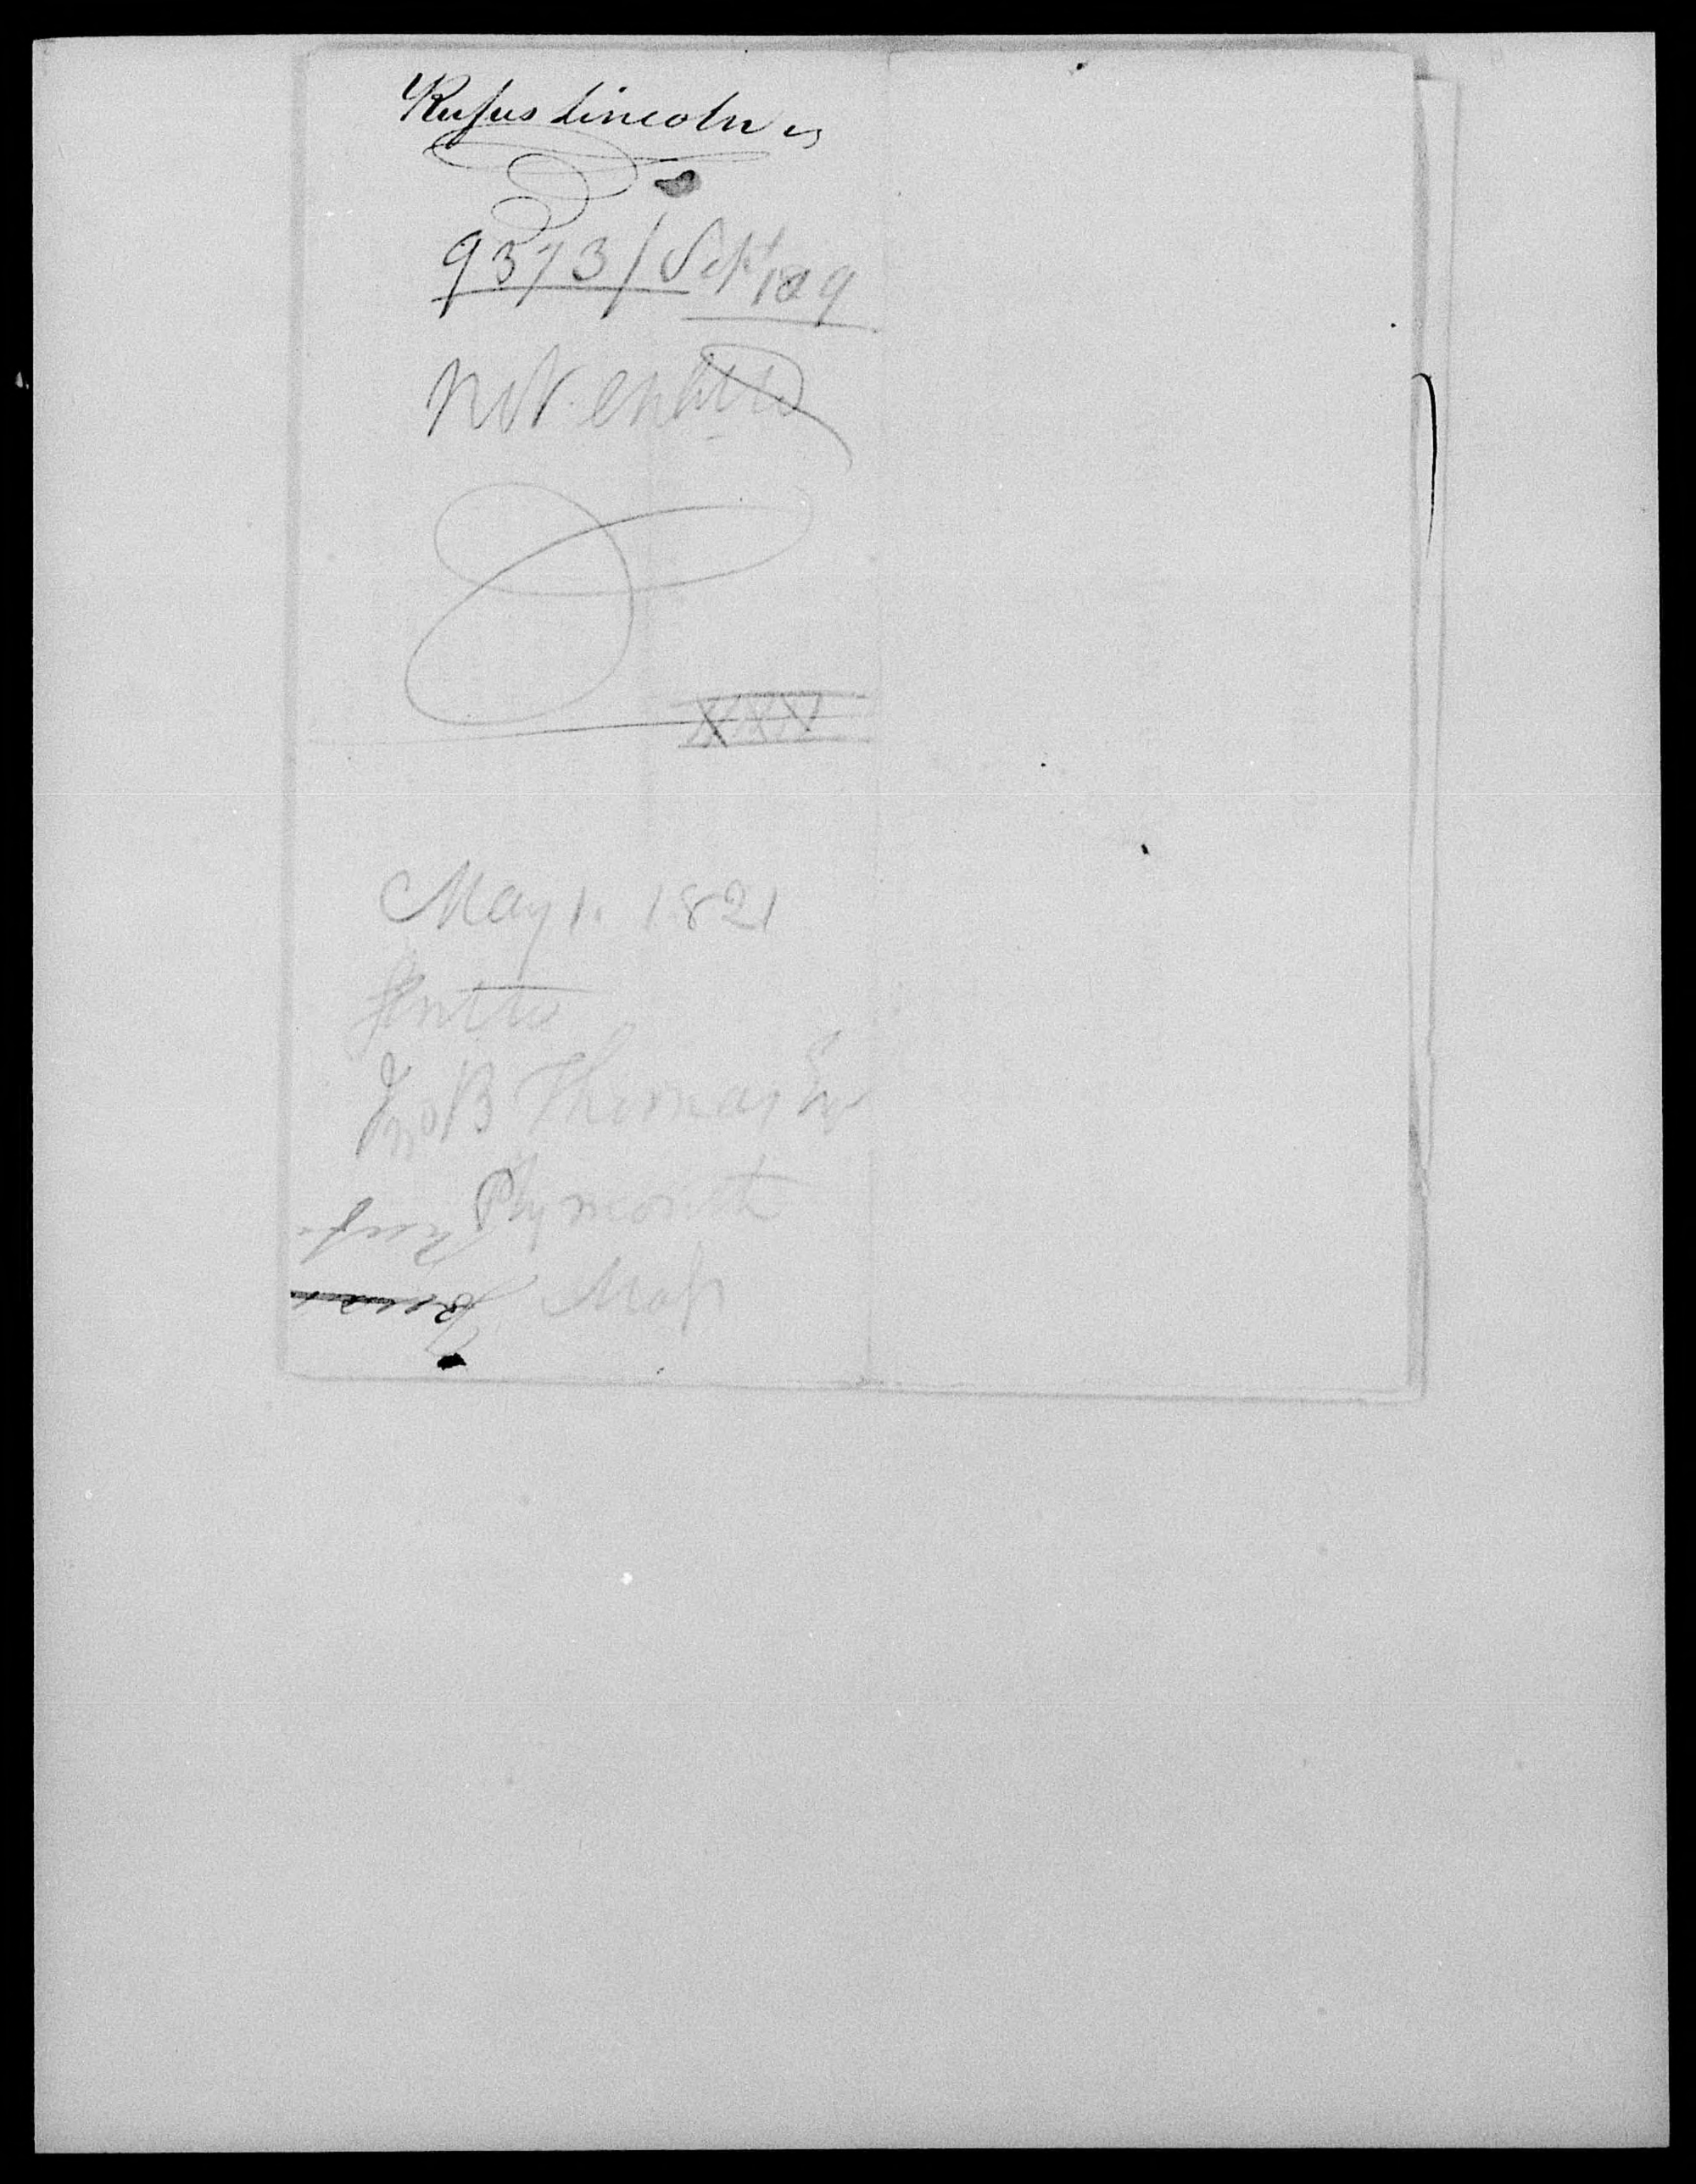Rufus Lincoln's
9373 / Sept 1819
not entitled

May 1, 1821
Attn
Jno B Thomas Esq
Plymouth
Mass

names: Jno B Thomas; Rufus Lincoln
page: 8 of 82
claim: widow's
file: W. 13,634, for Rufus Lincoln, Massachusetts